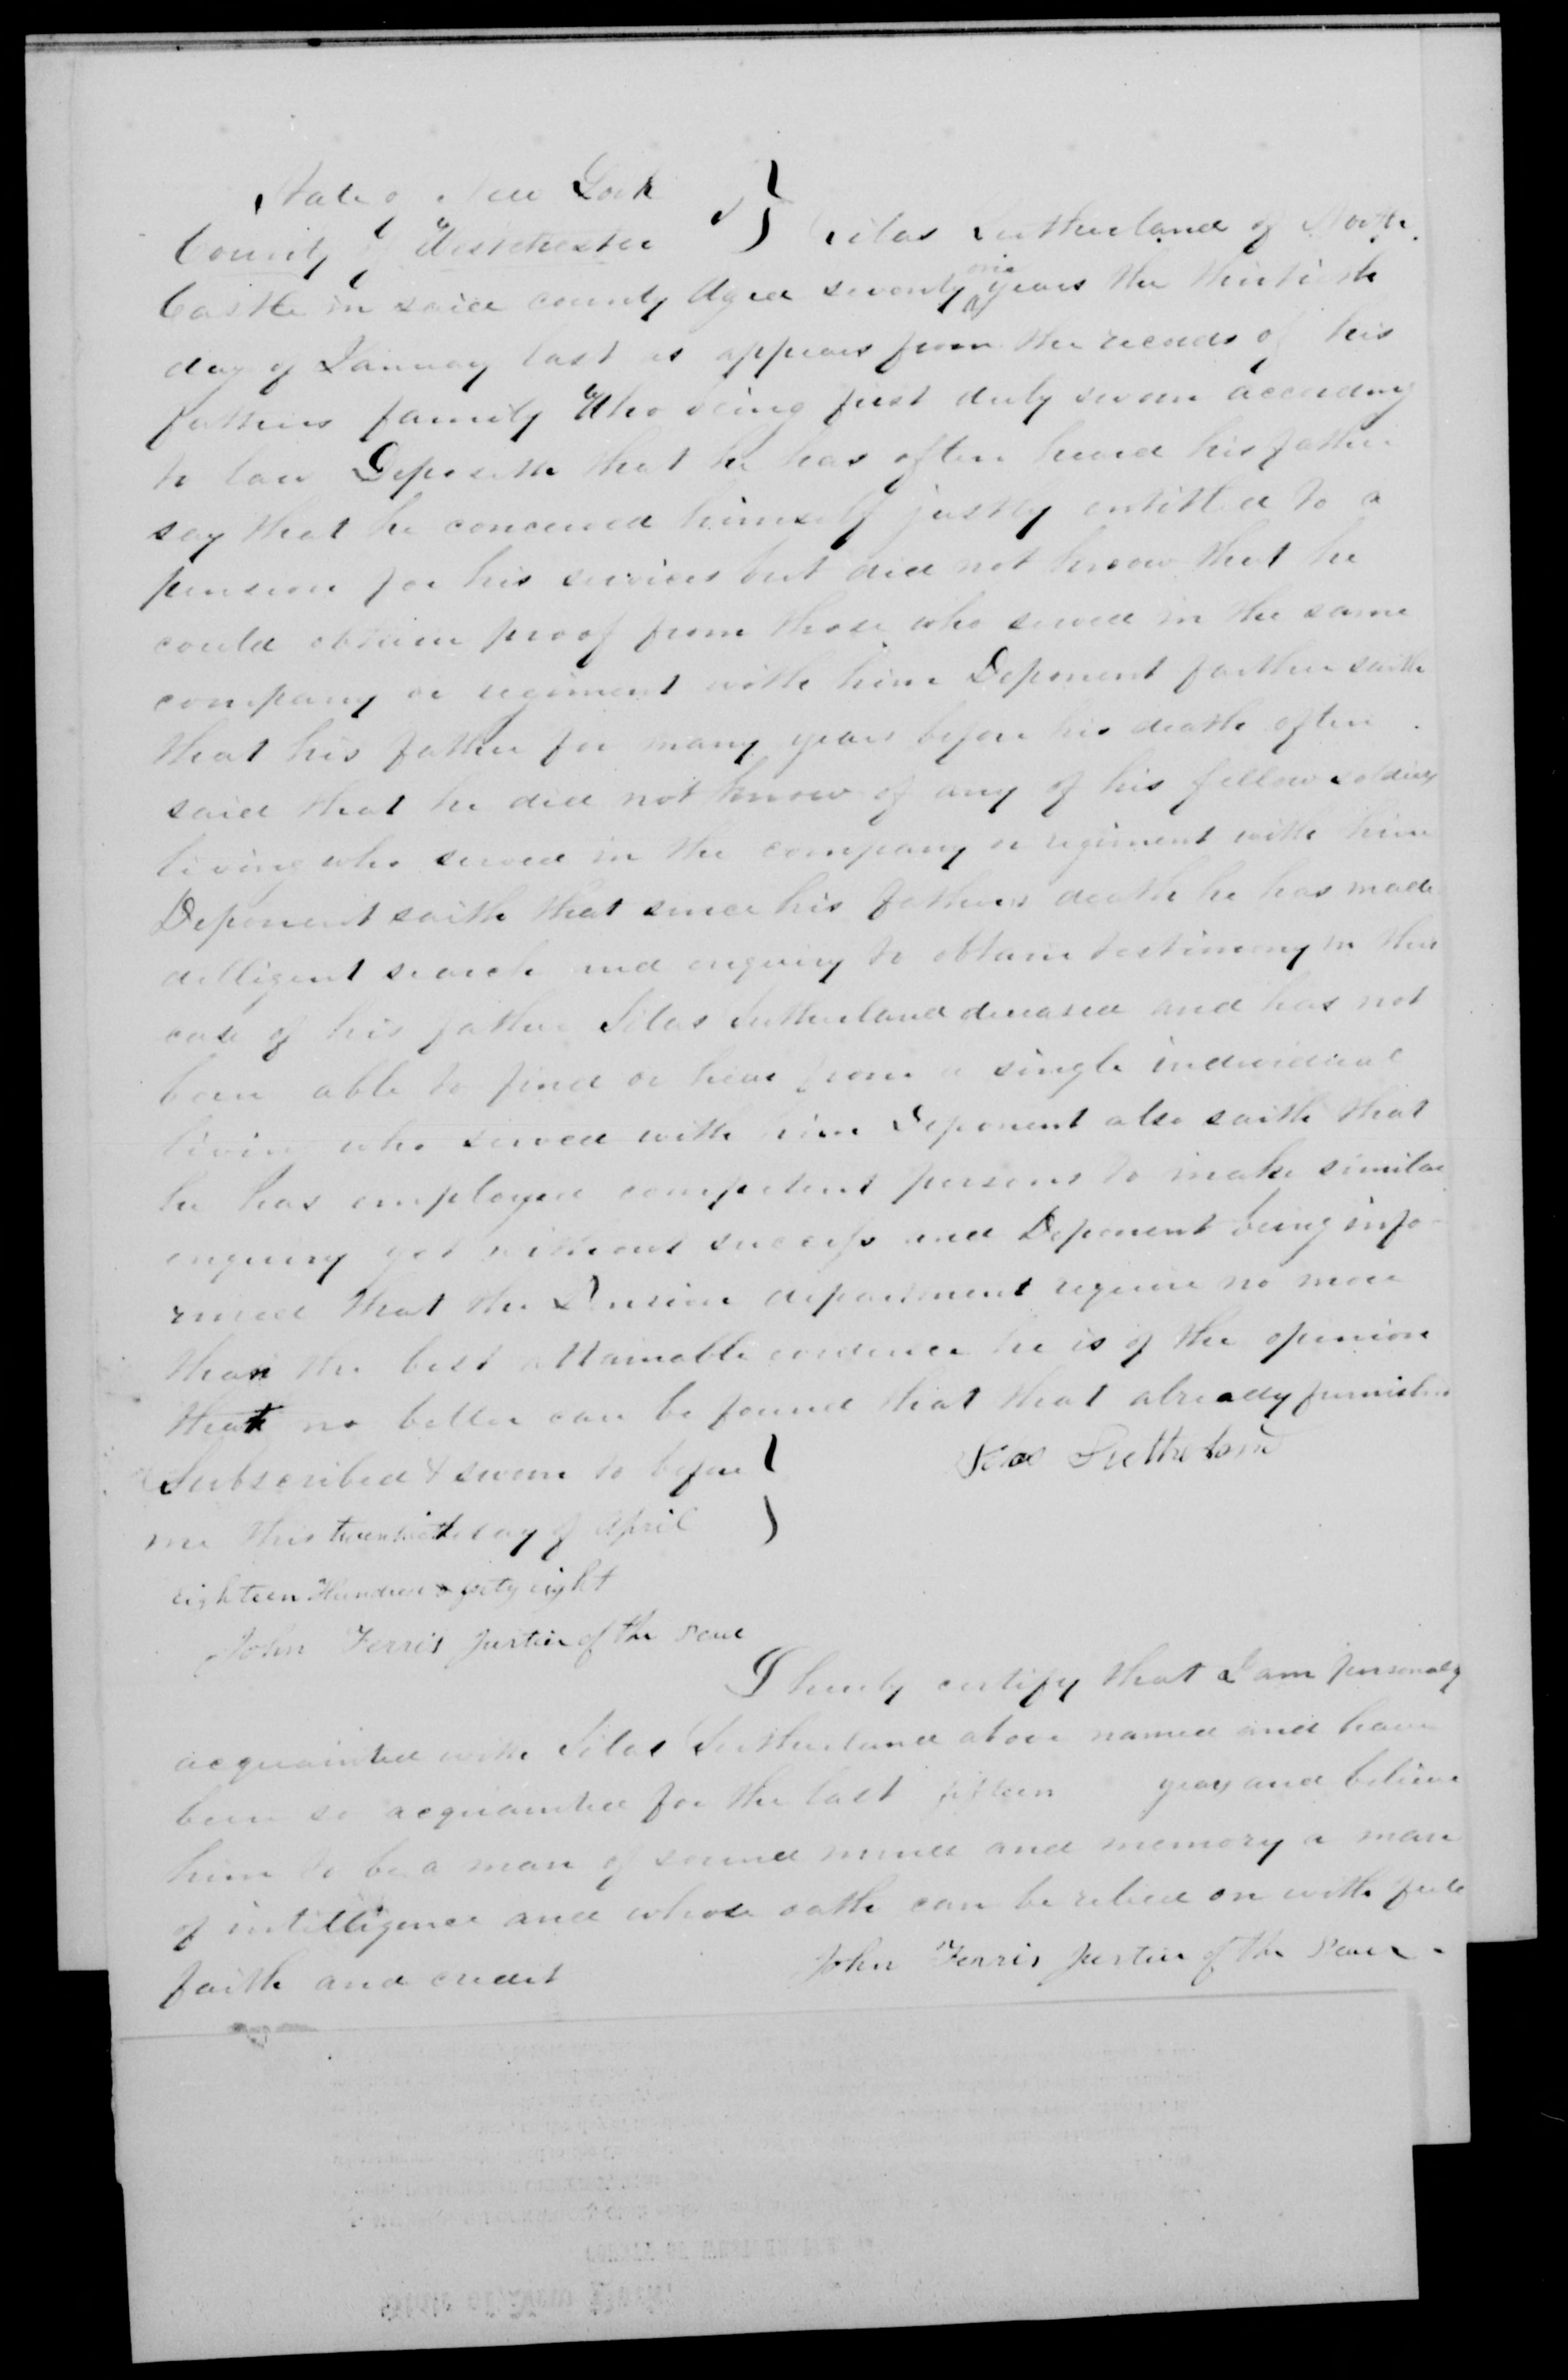State of New York
County of Westchester Ss}  Silas Sutherland of North Castle in said county  Aged seventy ^ one years the thirtieth day of January last it appears from the records of his fathers family Who being first duly sworn according to law Deposeth that he has often heard his father say that he concerned himself justly entitled  to a pension for his services but did not know that he could obtain proof from those who served in the same company or regiment with him  Deponent further saith that his father for many years before his death often said that he did not know of any of his fellow soldiers living who served in the company or regiment with him
Deponent saith that since his fathers death he has made diligent search and enquiry to obtain testimony in the case of his father Silas Sutherland deceased and has not been able to find or hear from a single individual living who served with him Deponent also saith that he has employed competent persons to make similar enquiry yet without success and Deponent being informed that the Pension department require no more than the best attainable evidence he is of the opinion that no better can be found than that already furnished
 Silas Sutherland
Subscribed & Sworn to before me this twentieth day of April Eighteen Hundred forty eight
 John Ferris Justice of the peace
  I hereby certify that I am personally acquainted with Silas Sunderland above named and have been so acquainted for the last fifteen years and believe him to be a man of sound mind and memory a man of intelligence and whose oath can be relied on with full faith and credit
  John Ferris Justice of the Peace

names: Silas Sutherland; Silas Sutherland; Silas Sutherland; Silas Sutherland; John Ferris; John Ferris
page: 77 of 77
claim: survivor's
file: S. 23003, for Silas Southerland, New York